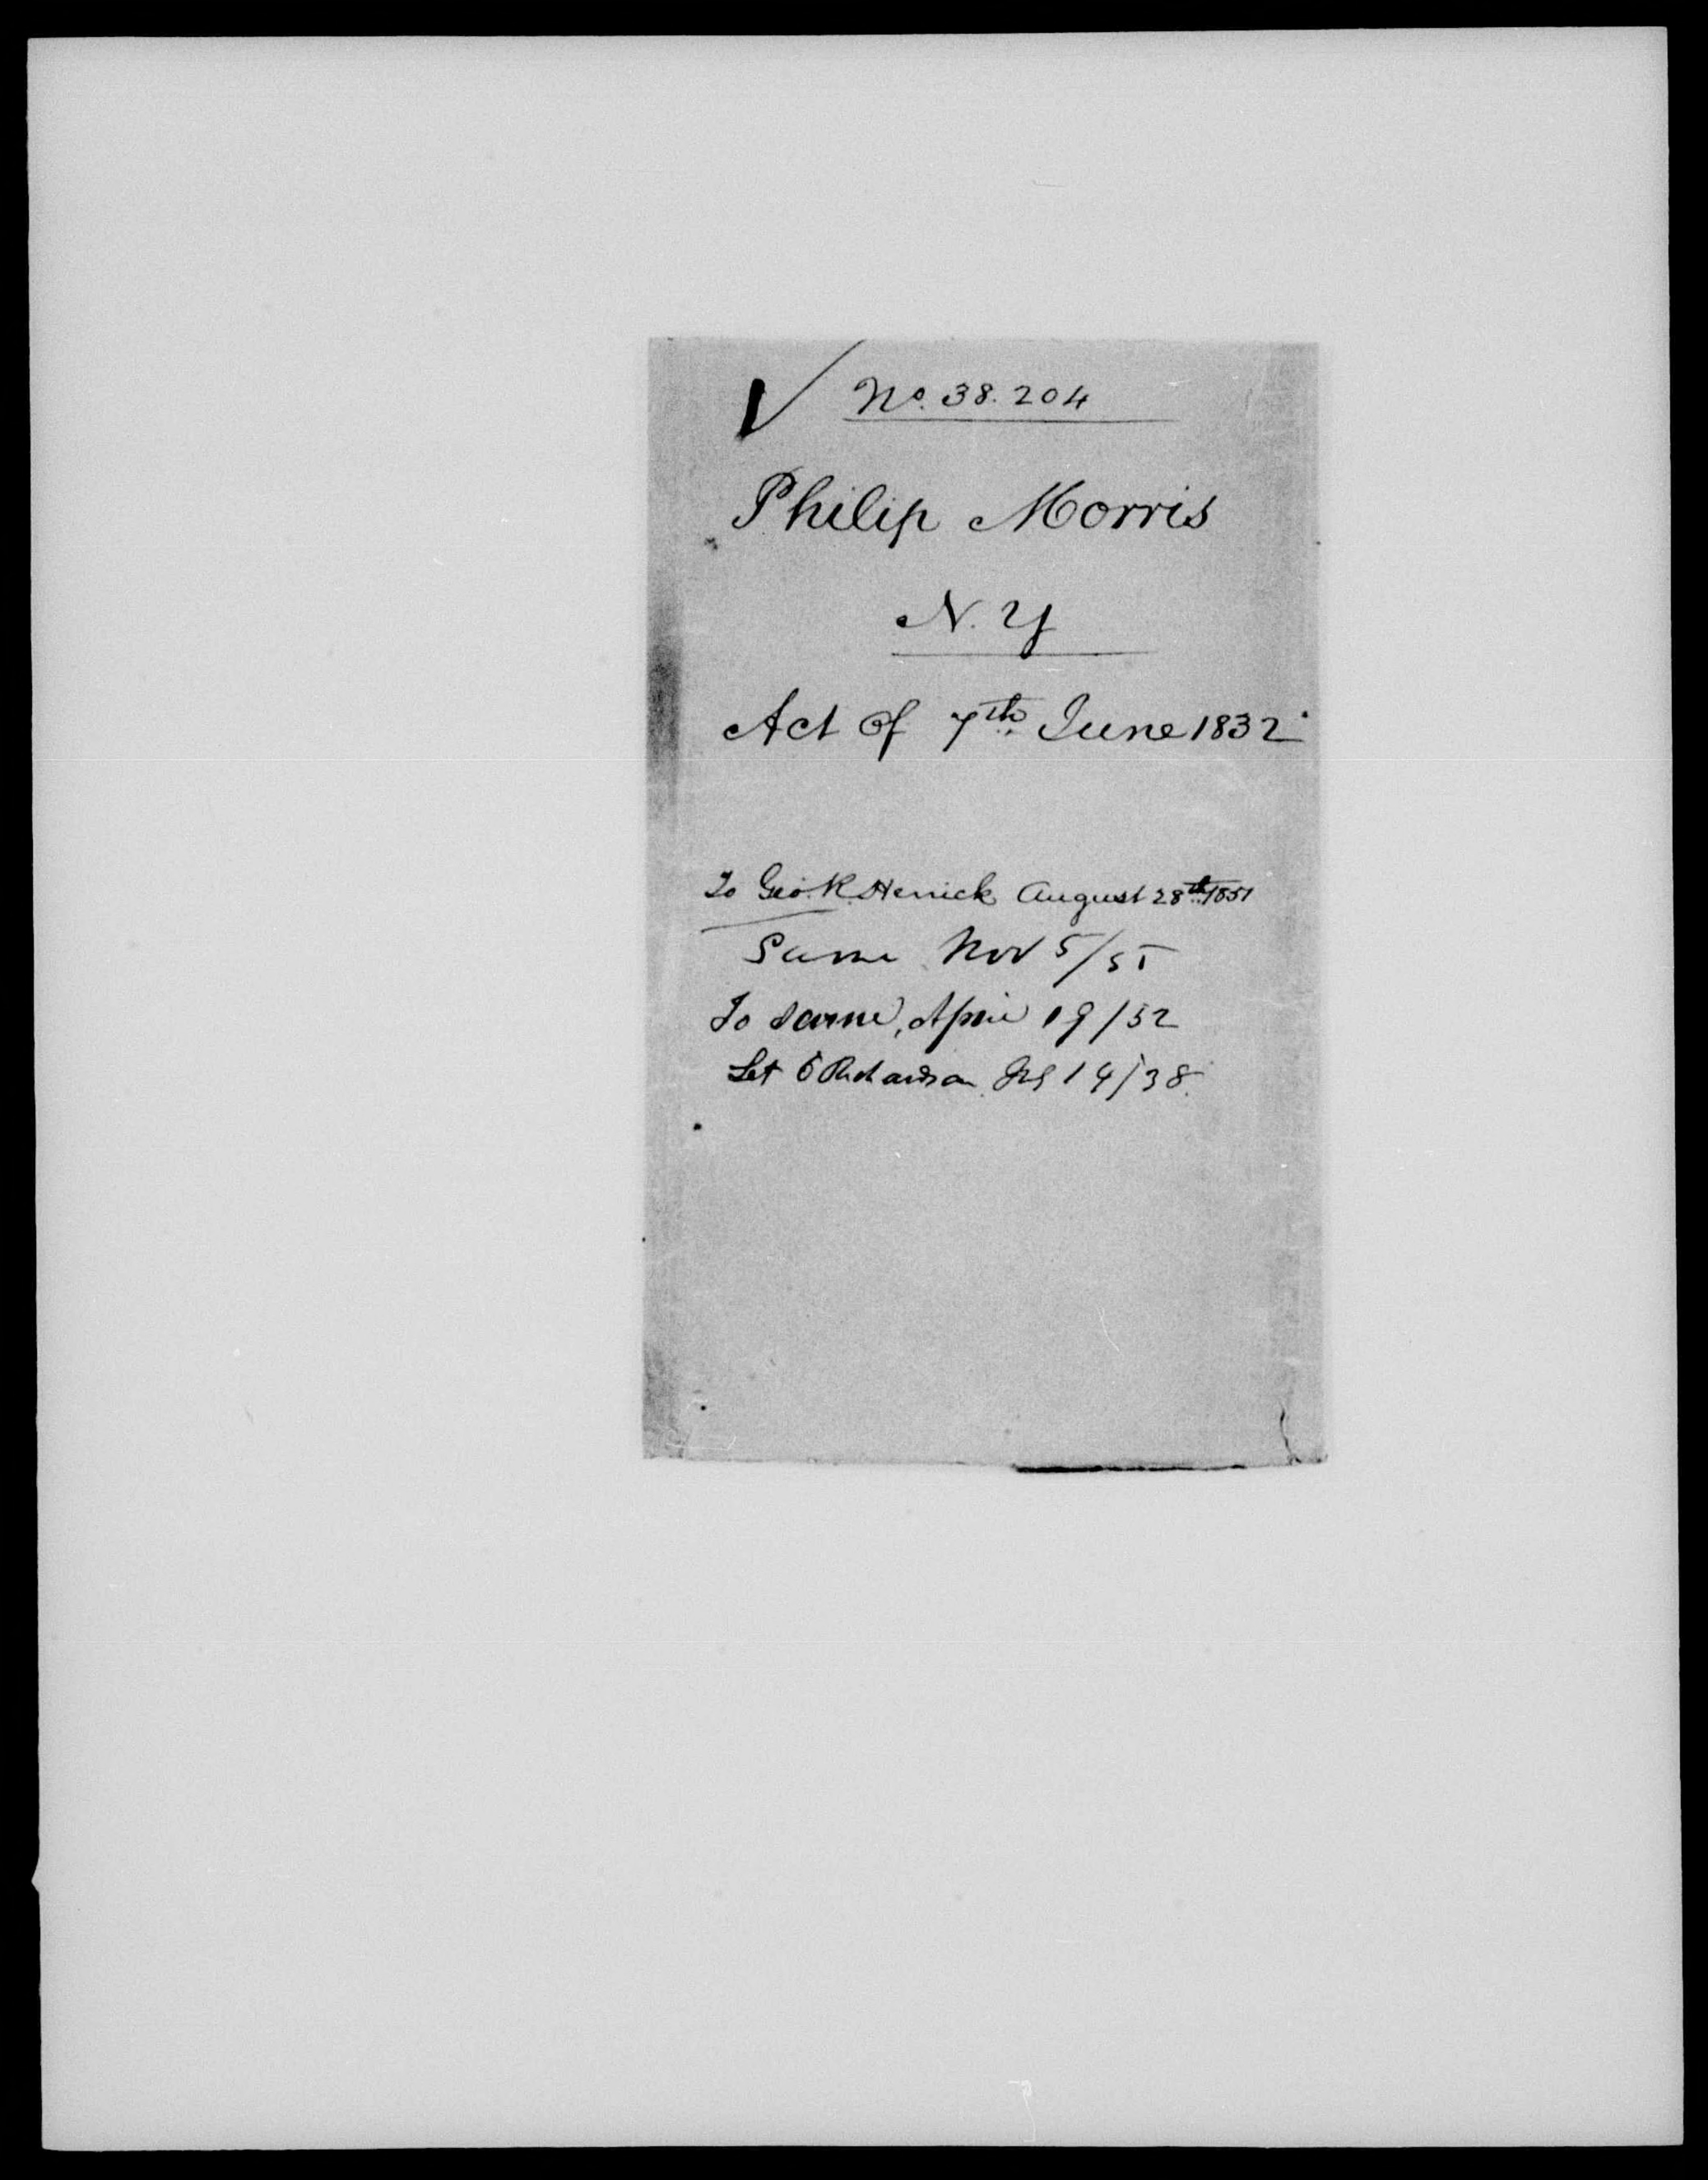√  No. 38.204

Philip Morris
N. Y.

Act of 7th June 1832

To Geo R Herrick  August 28th 1851
Same Nov 5/51
To same, April 19/52
Let [illegible] Richardson  Jul 14/38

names: Geo R Herrick; C Richardson; Philip Morris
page: 21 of 44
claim: survivor's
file: S. 28,815, for Philip Morris, Rhode Island